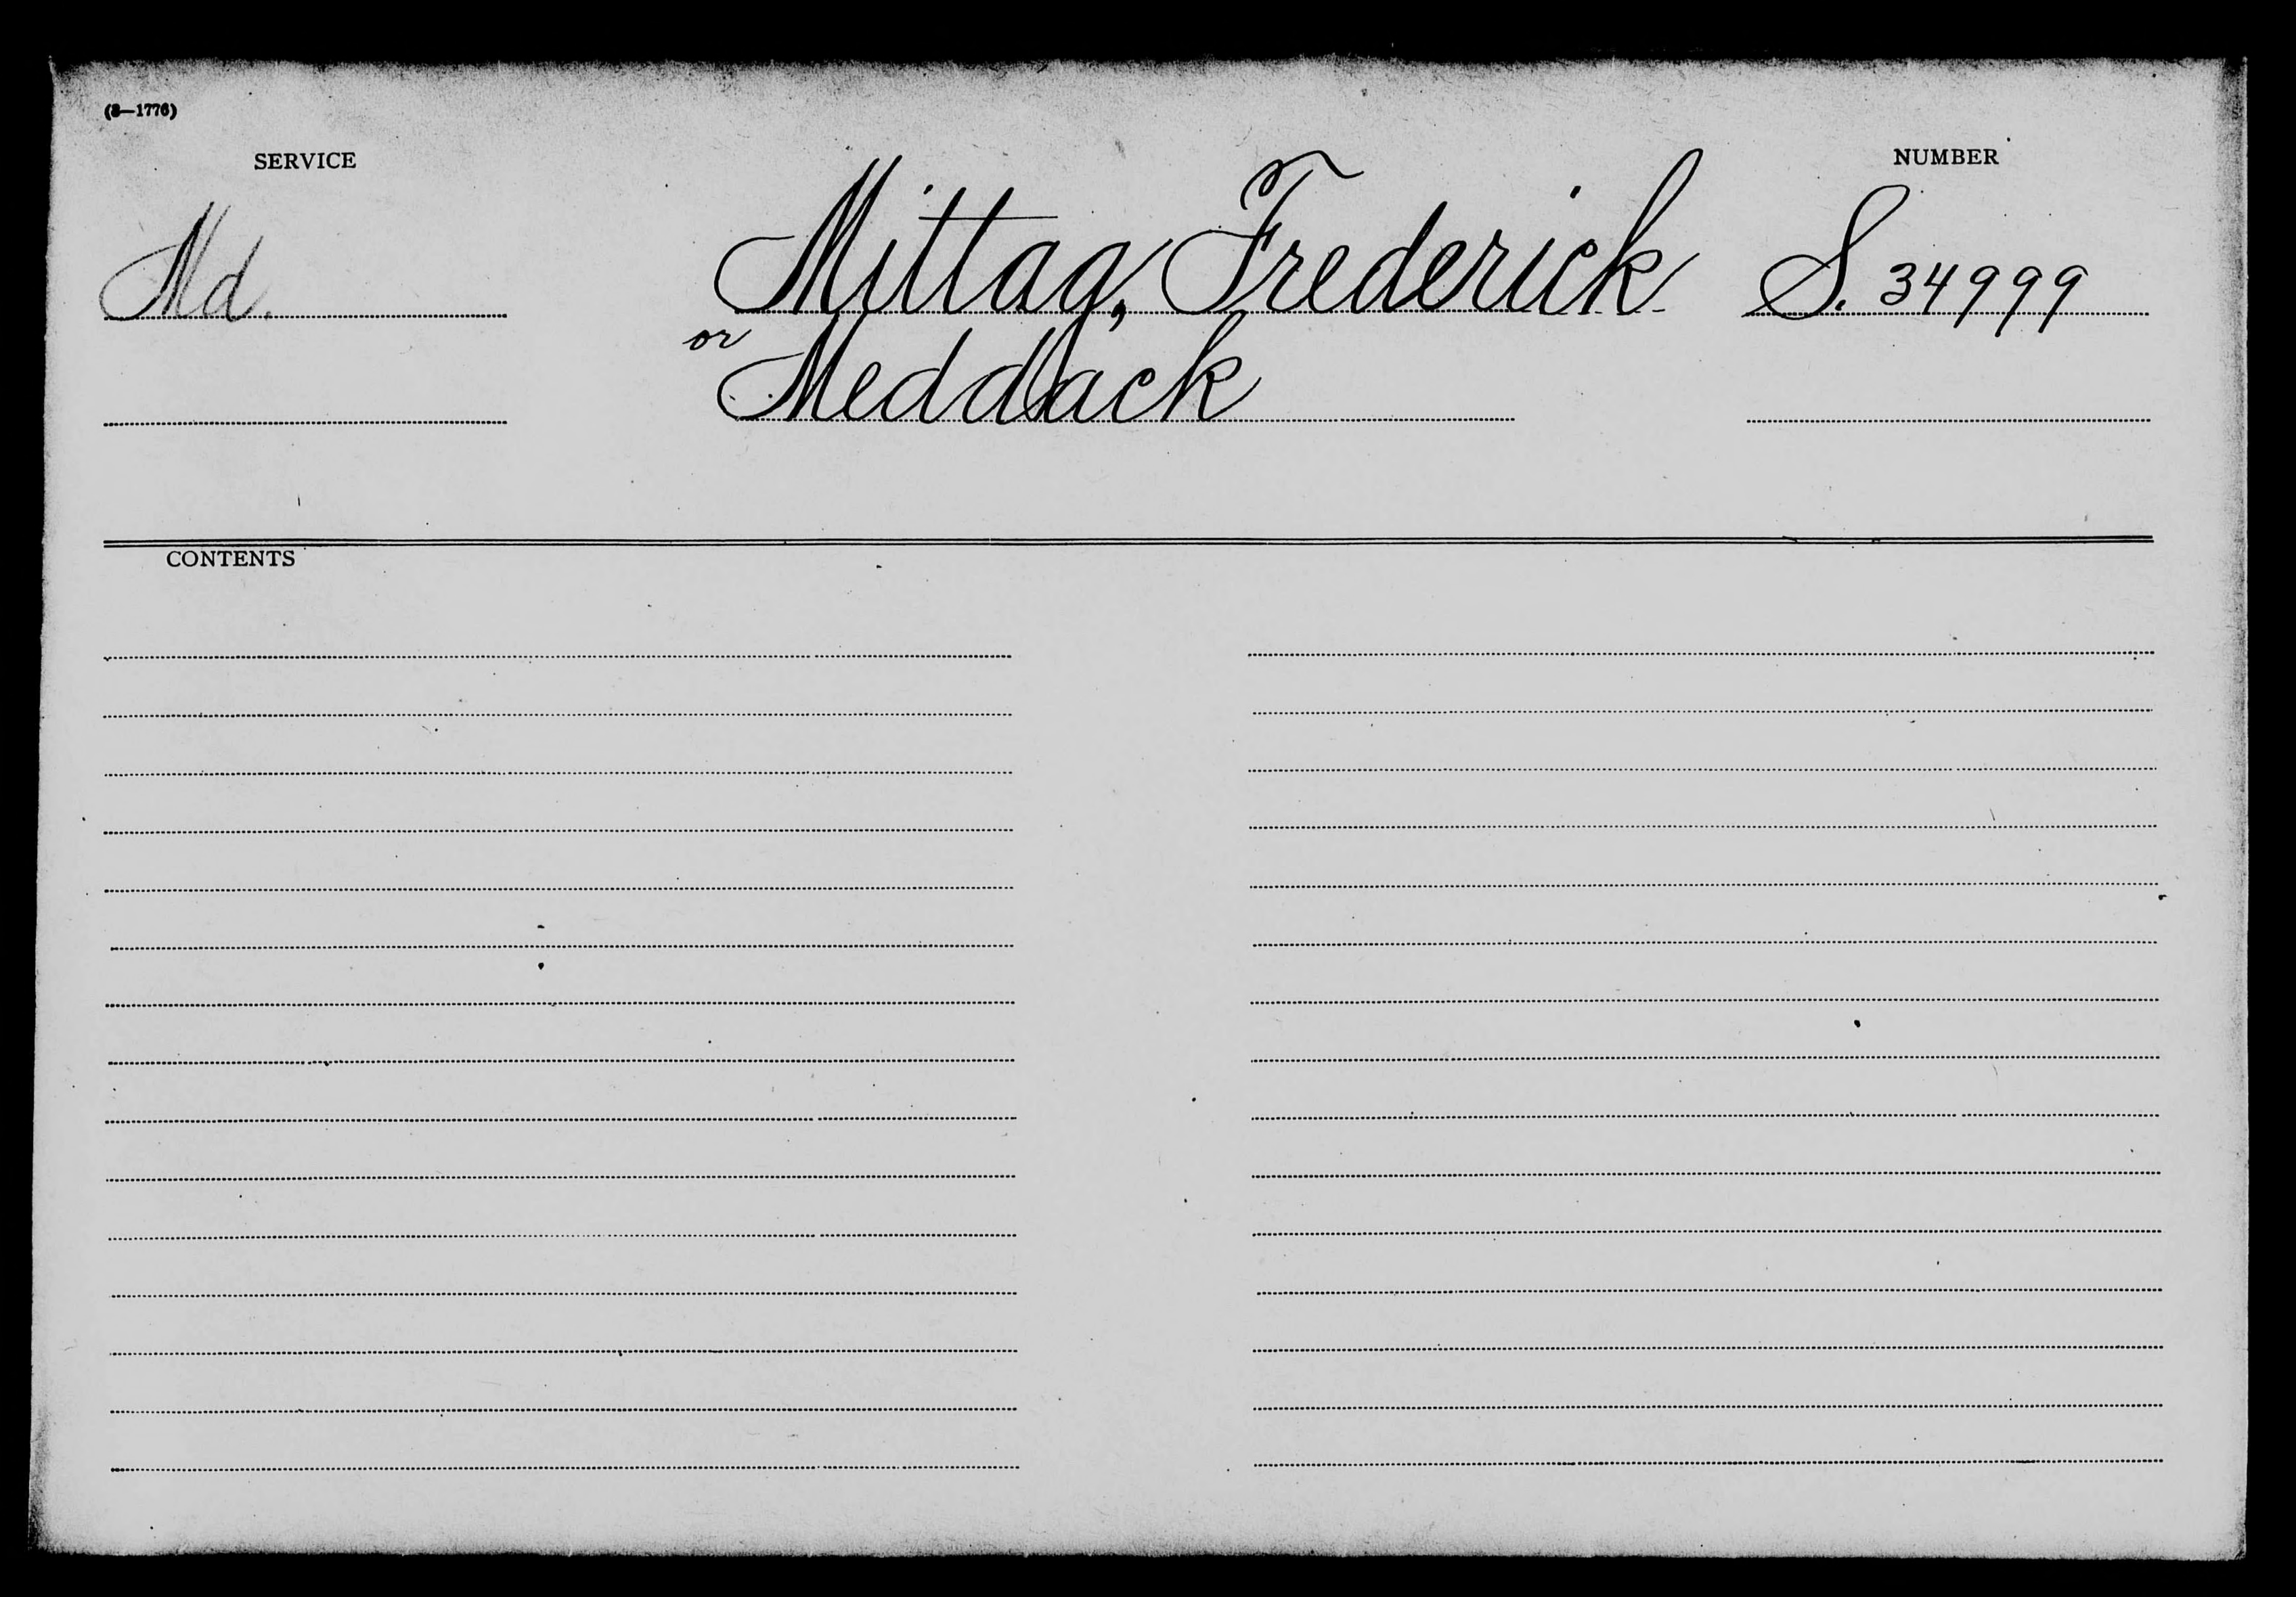(3-1776)

SERVICE
Md.

Mittag, Frederick
or
Meddack

NUMBER
S. 34999

CONTENTS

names: Frederick Meddack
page: 1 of 13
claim: survivor's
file: S. 34999, for Frederick Mittag, Maryland